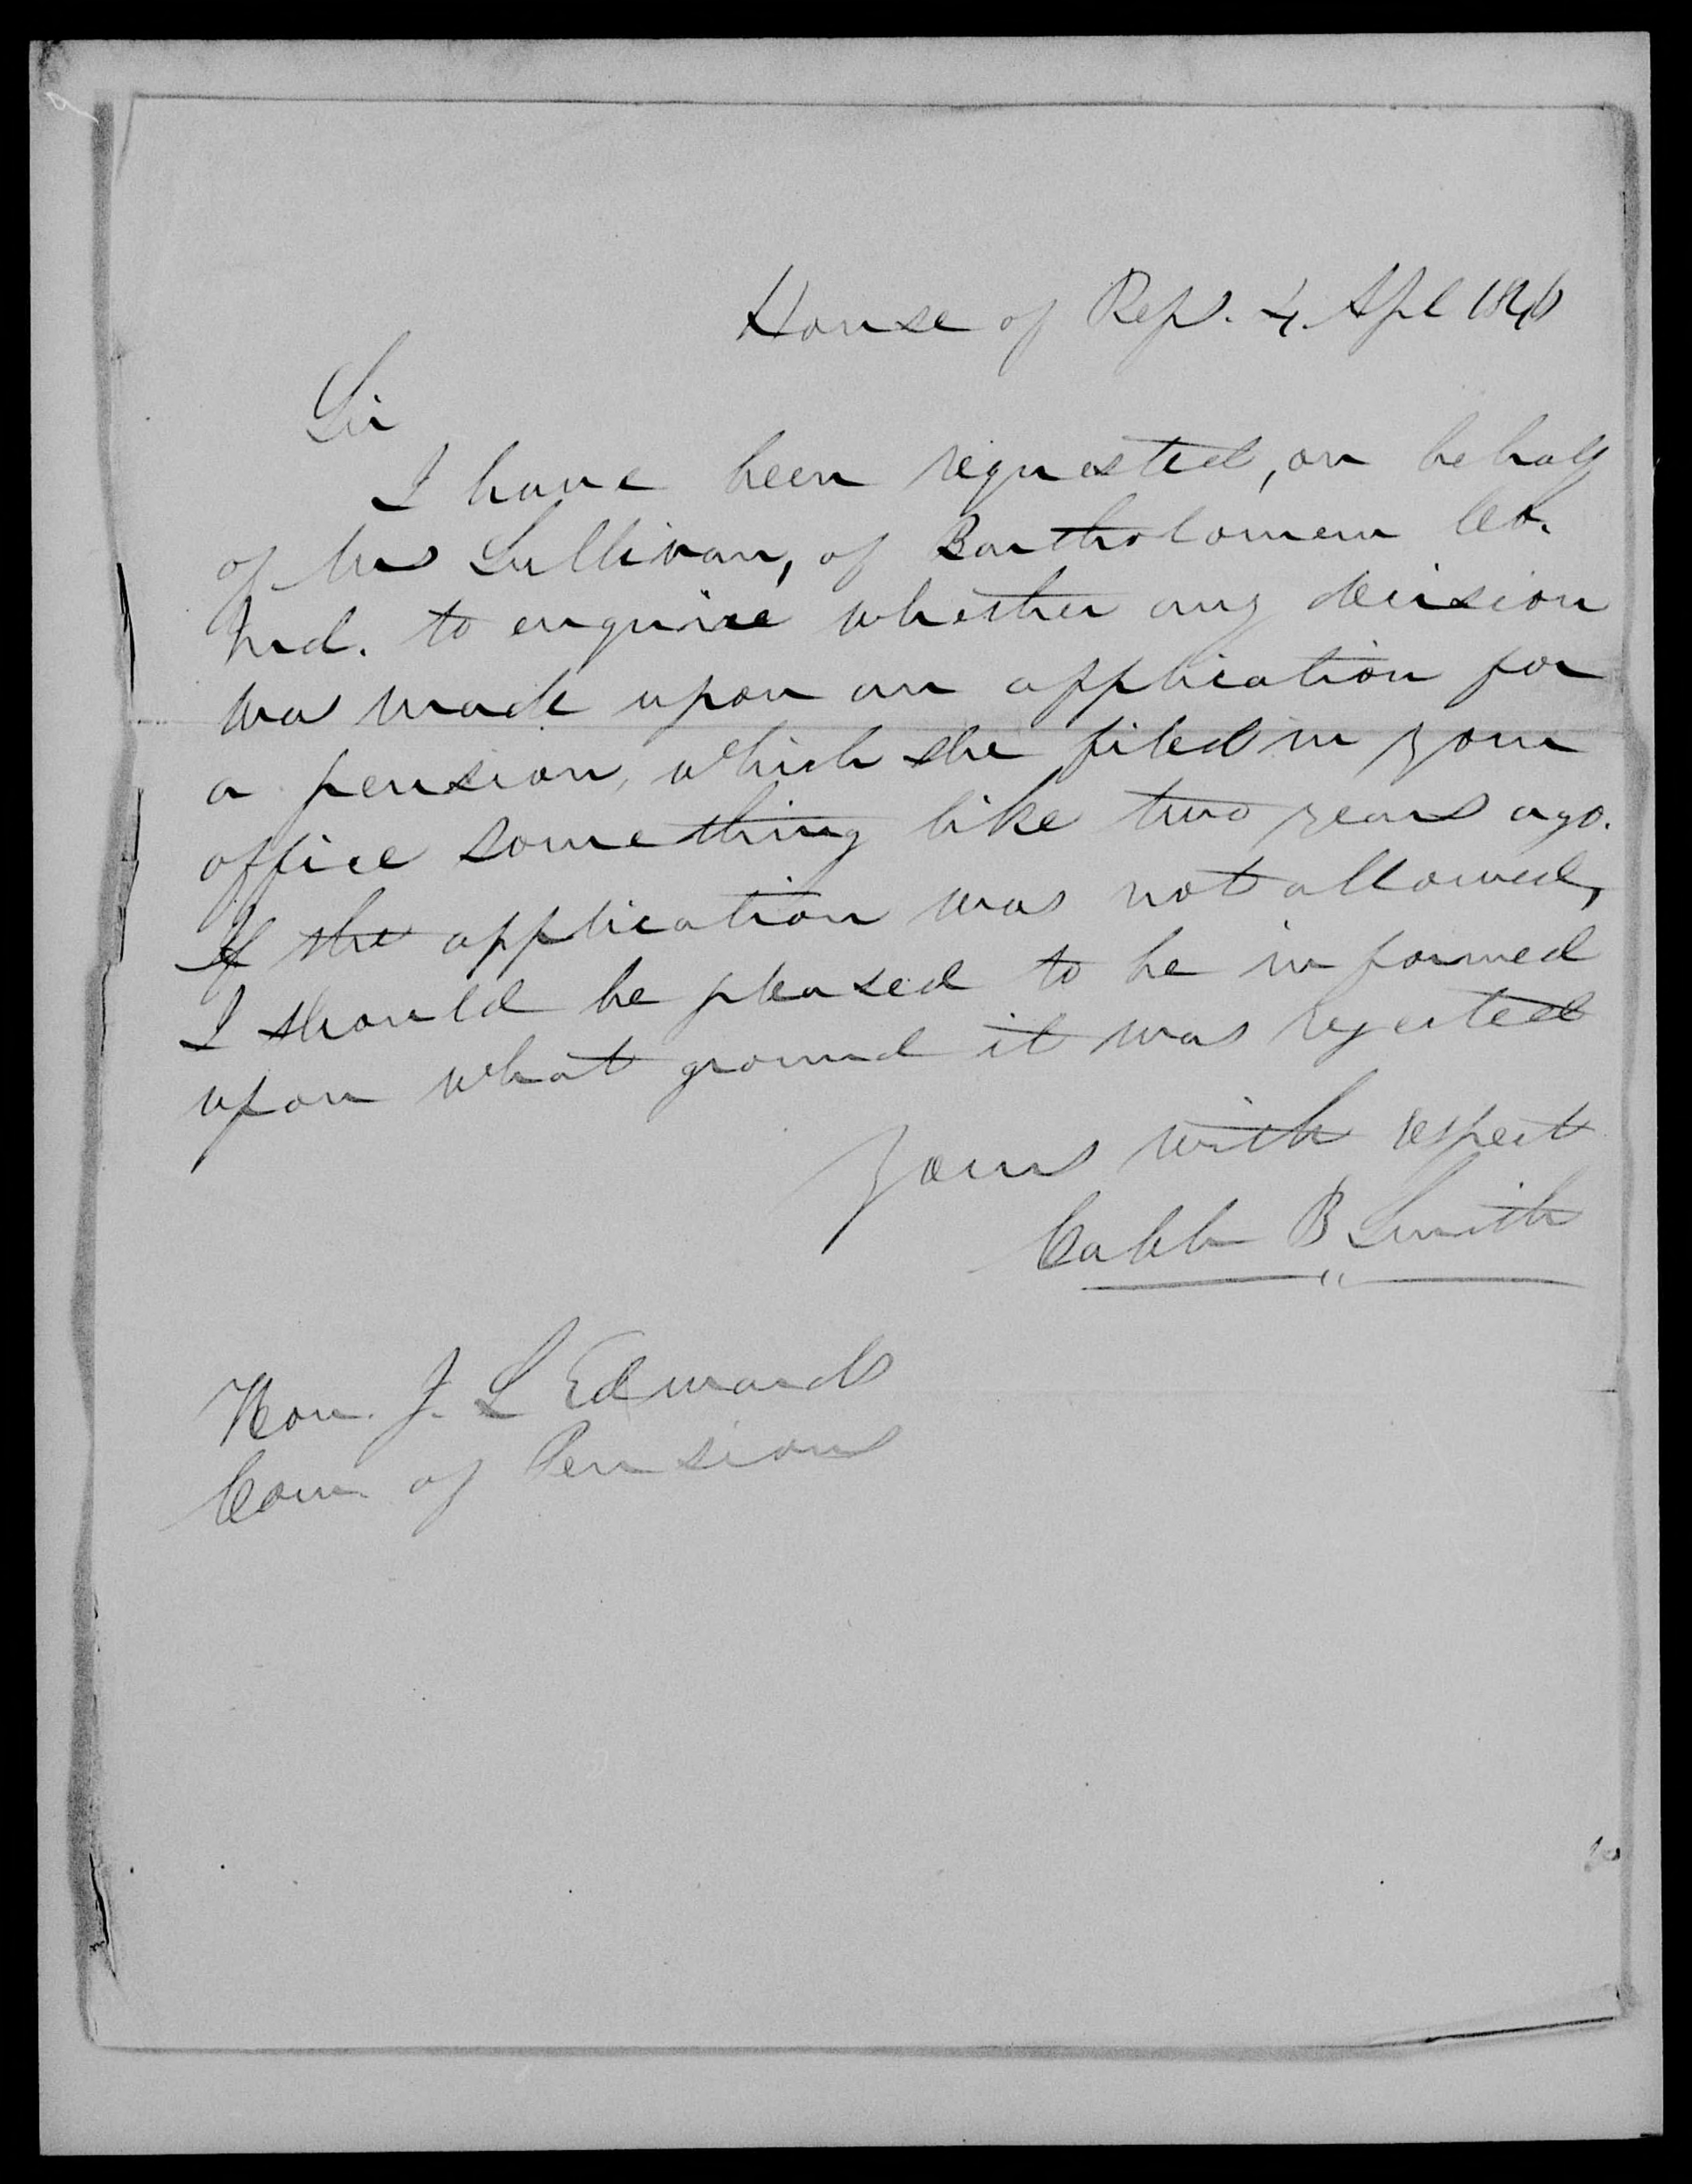House of Reps. 4 Apl 1846

Sir

I have been requested, on behalf of Mrs Sullivan, of Bartholomew Co. Ind. to enquire whether any decision was made upon an application for a pension, which she filed in your office something like two years ago. If the application was not allowed, I should be pleased to be informed upon what ground it was rejected

Yours with respect
[signed] Caleb B Smith

Hon. J. L Edwards
Comr. of Pensions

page: 54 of 78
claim: widow's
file: W. 25,169, for Daniel Sullivan, Maryland